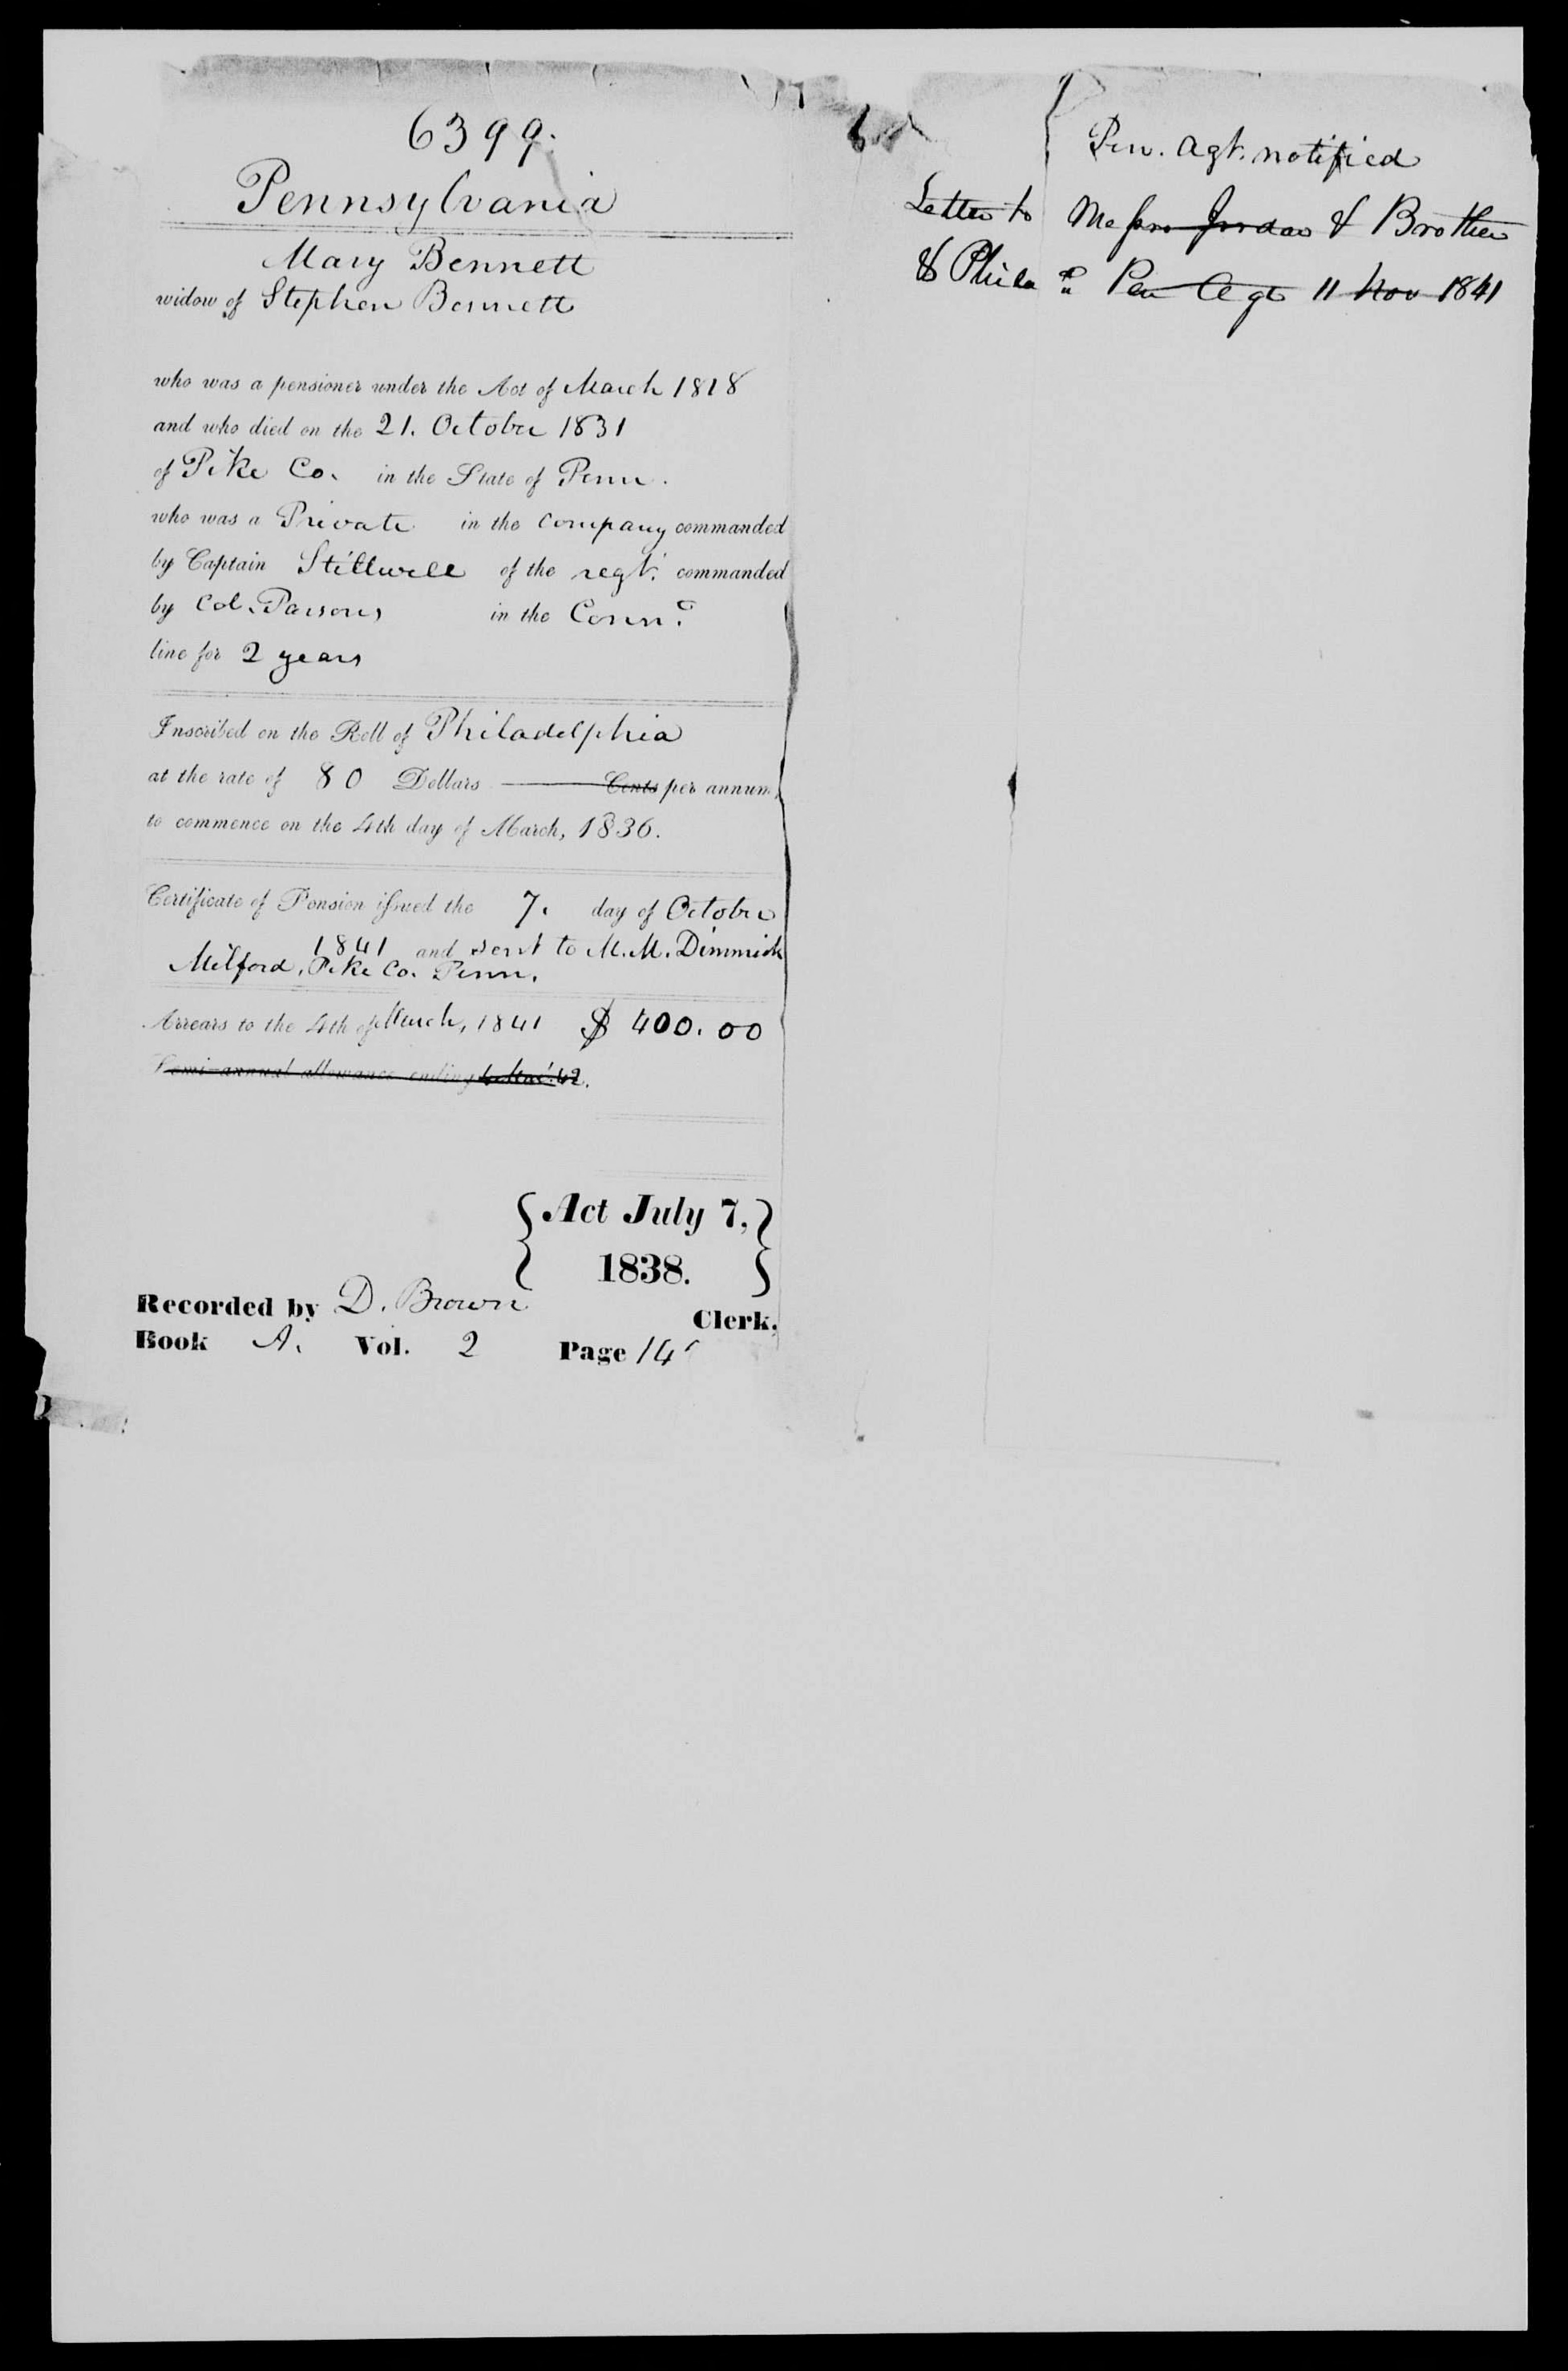6399

Pennsylvania
Mary Bennett widow of Stephen Bennett

who was a pensioner under the Act of March 1818 and who died on the 
21 October 1831 of Pike Co in the State of Penn who was a Private in the
company commanded by Captain Stillwell of the regt commanded by
Col Parsons in the Conn line for 2 years.

Inscribed on the Roll of Philadelphia at the rate of 80 Dollars --- Cents per annum
to commence on the 4th day of March, 1836.

Certificate of Pension issued the 7 day of October 1841 and sent to 
M. M. Dimmick, Milford, Pike Co. Penn

Arrears to the 4th of March, 1841   $400

Act July 7, 1838

Recorded by D. Brown Clerk,
Book A, Vol. 2 Page 14

Pen Agt notified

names: D Brown, Stephen Bennett, Mary Bennett, Parsons, Stillwell, M M Dimmick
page: 14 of 79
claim: widow's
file: W. 2,906, Stephen Bennet, Conn.